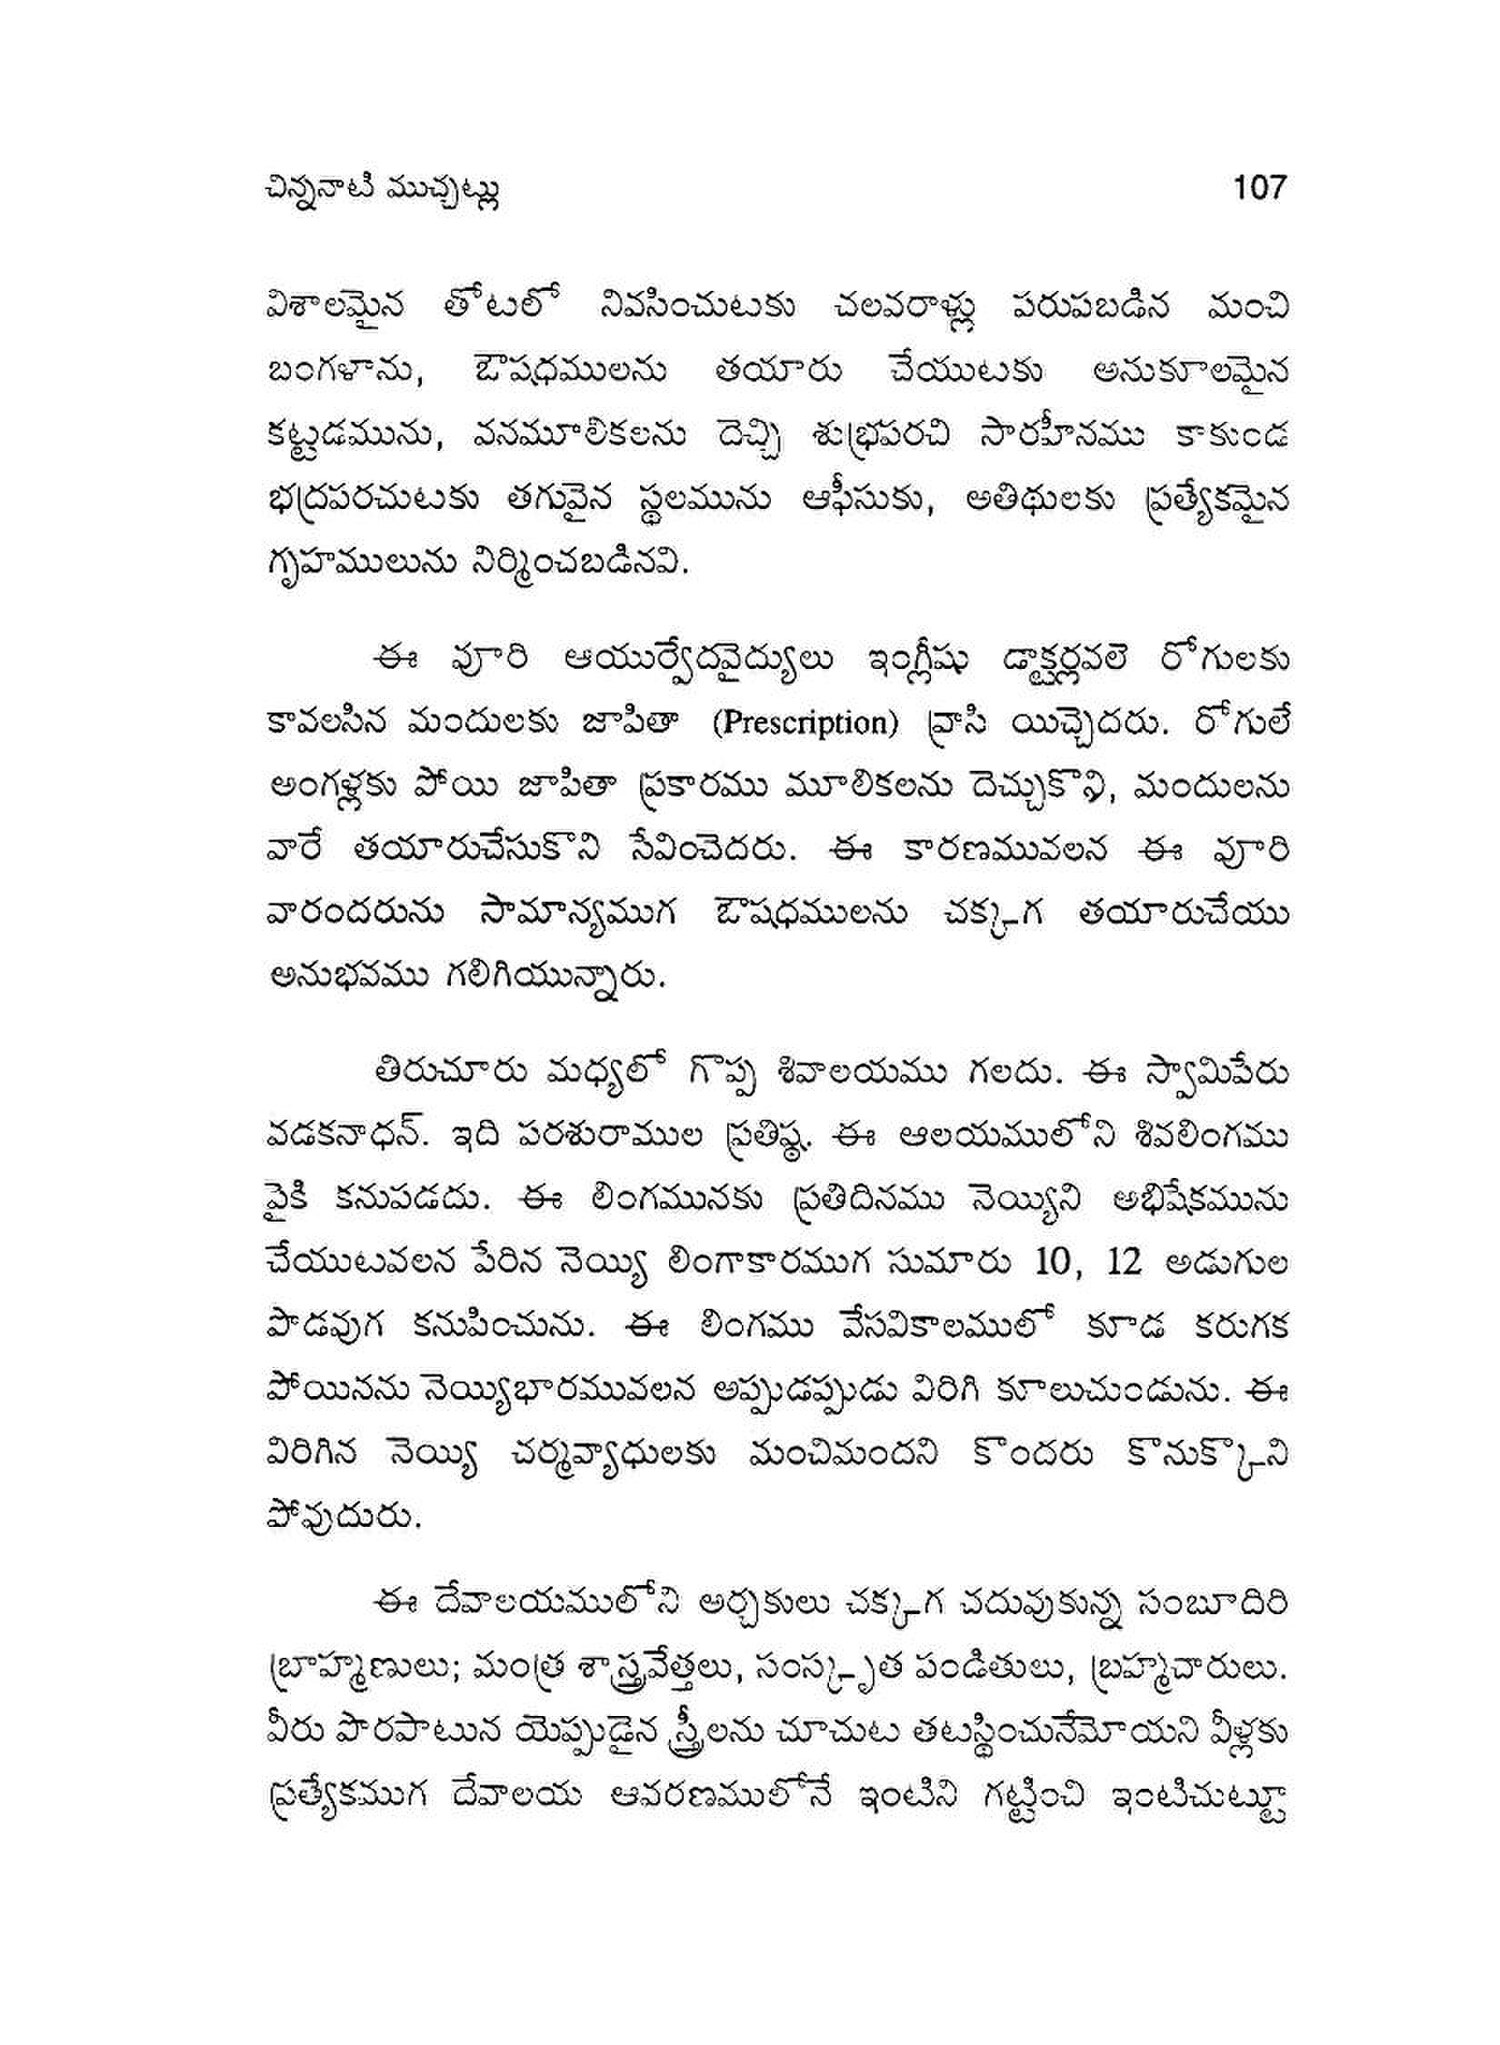విశాలమైన తోటలో నివసించుటకు చలవరాళ్లు పరుపబడిన మంచి బంగళాను, ఔషధములను తయారు చేయుటకు అనుకూలమైన కట్టడమును, వనమూలికలను దెచ్చి శుభ్రపరచి సారహీనము కాకుండ భద్రపరచుటకు తగువైన స్థలమును ఆఫీసుకు, అతిథులకు ప్రత్యేకమైన గృహములును నిర్మించబడినవి.

ఈ వూరి ఆయుర్వేద వైద్యులు ఇంగ్లీషు డాక్టర్లవలె రోగులకు కావలసిన మందులకు జాపితా (Prescription) వ్రాసి యిచ్చెదరు. రోగులే అంగళ్లకు పోయి జాపితా ప్రకారము మూలికలను దెచ్చుకొని, మందులను వారే తయారుచేసుకొని సేవించెదరు. ఈ కారణమువలన ఈ వూరి వారందరును సామాన్యముగ ఔషధములను చక్కగ తయారుచేయు అనుభవము గలిగియున్నారు.

తిరుచూరు మధ్యలో గొప్ప శివాలయము గలదు. ఈ స్వామిపేరు వడకనాధన్. ఇది పరశురాముల ప్రతిష్ఠ ఈ ఆలయములోని శివలింగము పైకి కనుపడదు. ఈ లింగమునకు ప్రతిదినము నెయ్యిని అభిషేకమును చేయుటవలన పేరిన నెయ్యి లింగాకారముగ సుమారు 10, 12 అడుగుల పొడవుగ కనుపించును. ఈ లింగము వేసవికాలములో కూడ కరుగక పోయినను నెయ్యిభారమువలన అప్పడప్పడు విరిగి కూలుచుండును. ఈ విరిగిన నెయ్యి చర్మవ్యాధులకు మంచిమందని కొందరు కొనుక్కొని పోవుదురు.

ఈ దేవాలయములోని అర్చకులు చక్కగ చదువుకున్న సంబూదిరి బ్రాహ్మణులు; మంత్ర శాస్త్రవేత్తలు, సంస్కృత పండితులు, బ్రహ్మచారులు. వీరు పొరపాటున యెప్పడైన స్త్రీలను చూచుట తటస్థించునేమోయని వీళ్లకు ప్రత్యేకముగ దేవాలయ ఆవరణములోనే ఇంటిని గట్టించి ఇంటిచుట్టూ